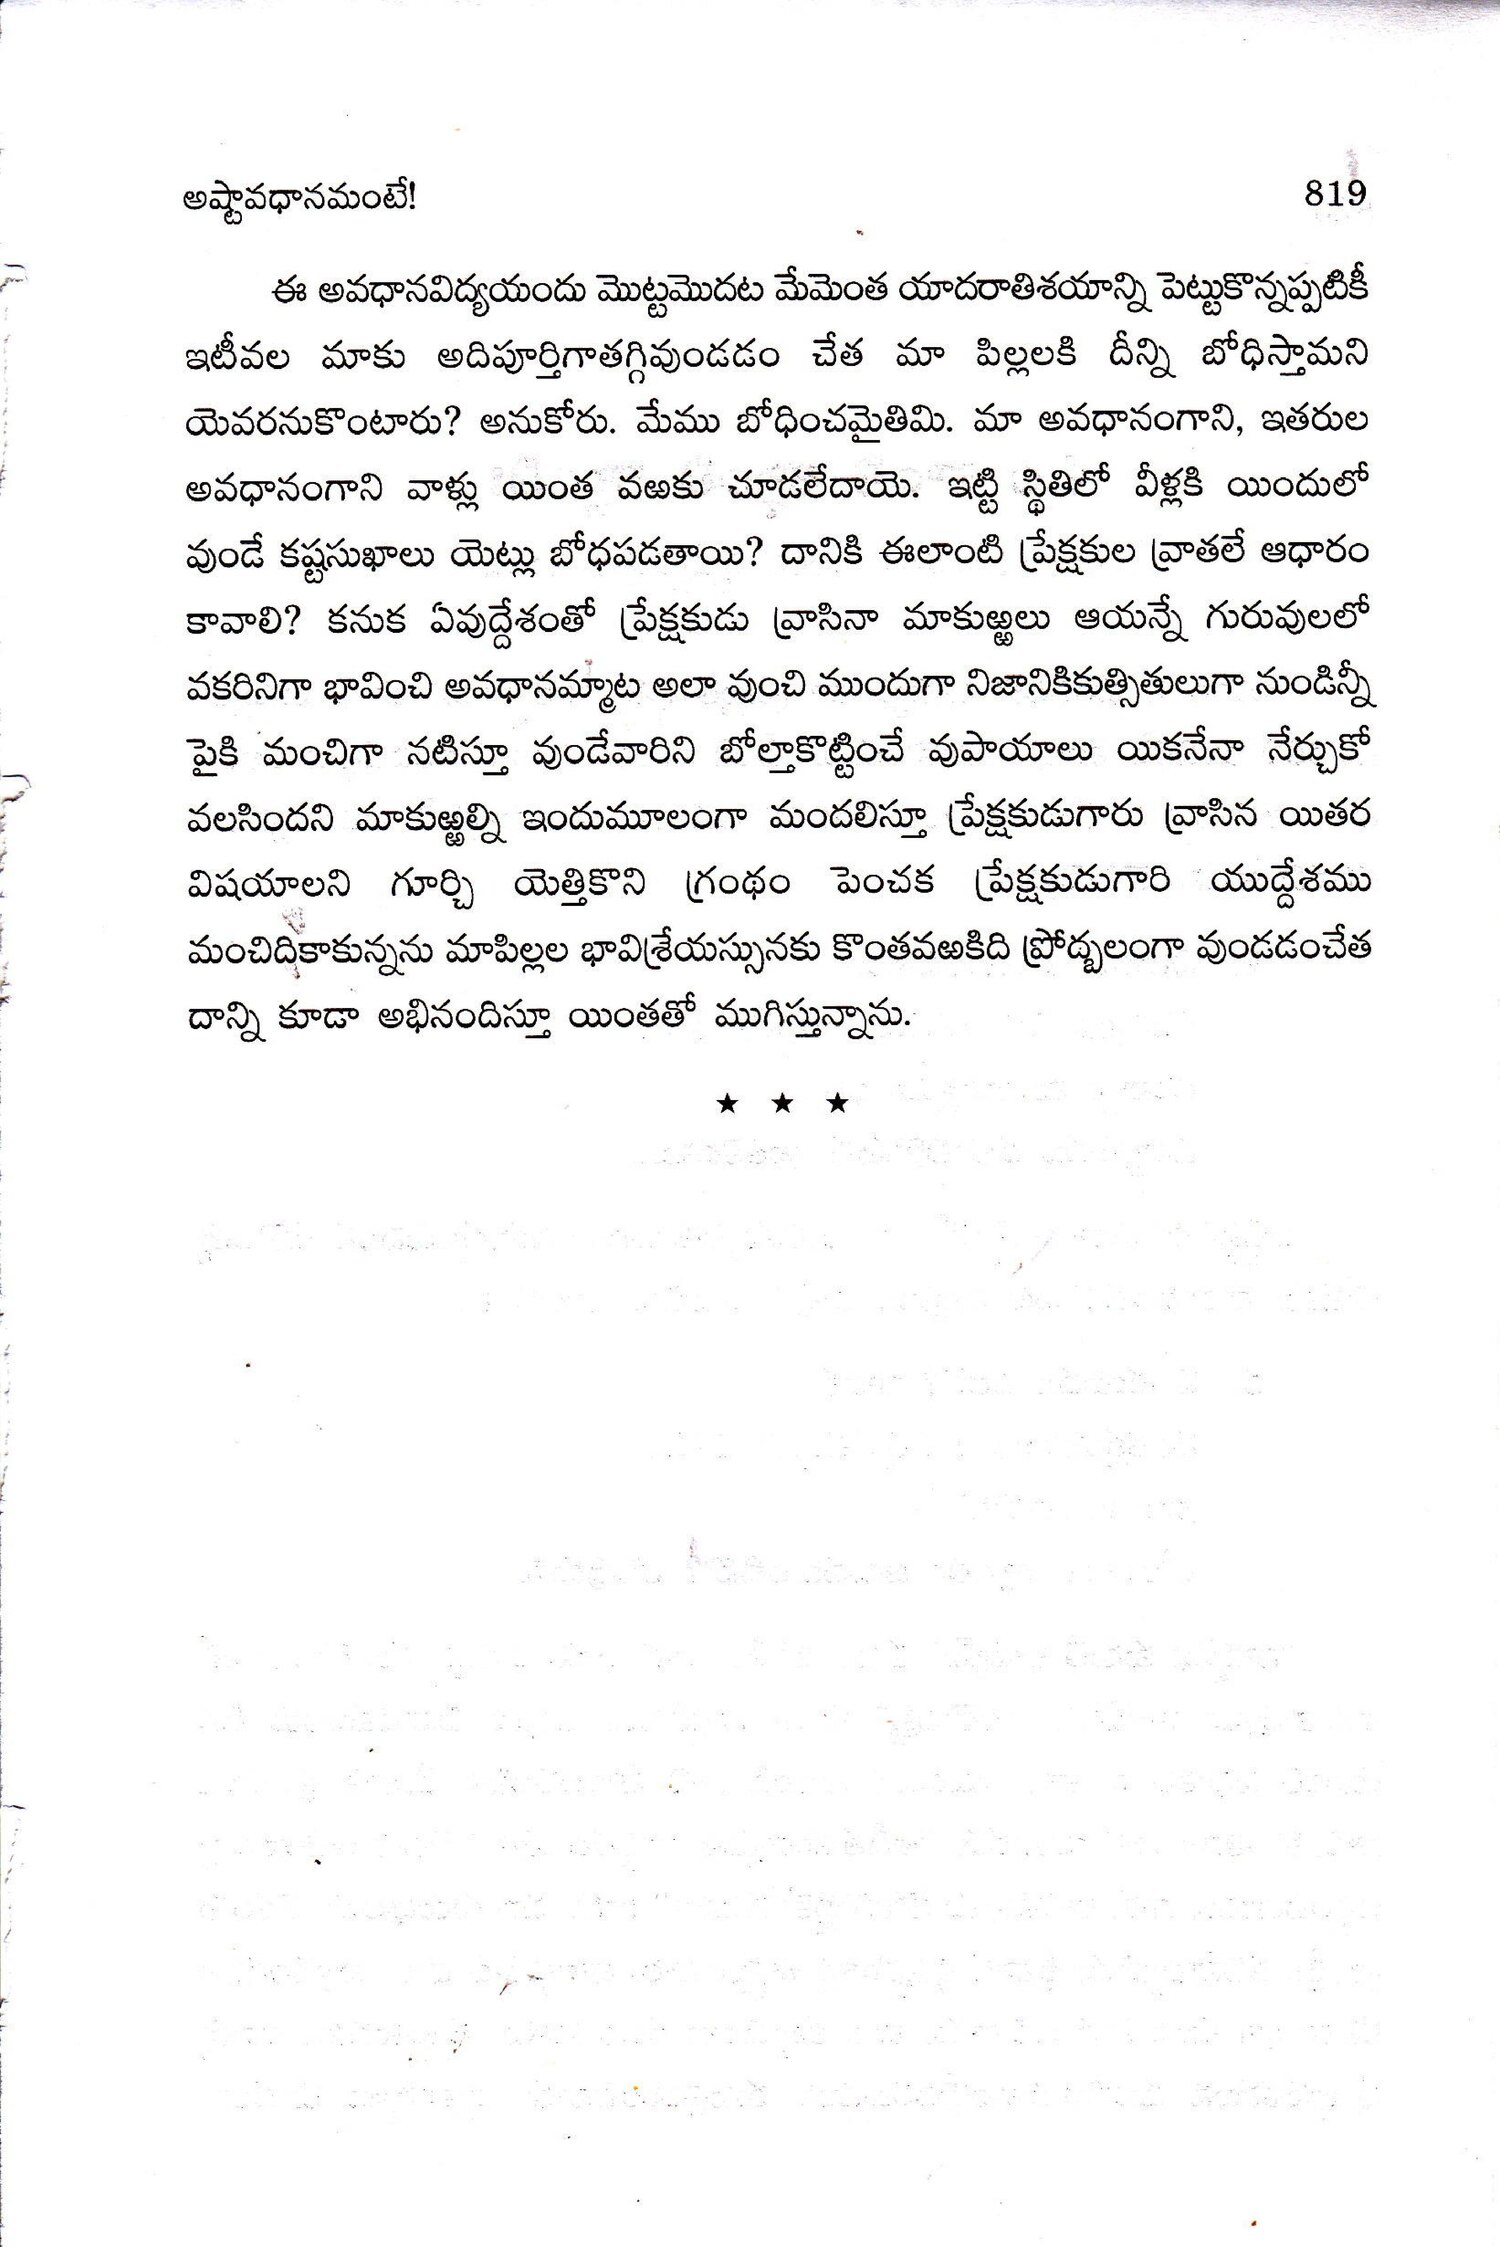ఈ అవధానవిద్యయందు మొట్టమొదట మేమెంత యాదరాతిశయాన్ని పెట్టుకొన్నప్పటికీ ఇటీవల మాకు అదిపూర్తిగాతగ్గివుండడం చేత మా పిల్లలకి దీన్ని బోధిస్తామని యెవరనుకొంటారు? అనుకోరు. మేము బోధించమైతిమి. మా అవధానంగాని, ఇతరుల అవధానంగాని వాళ్లు యింత వఱకు చూడలేదాయె. ఇట్టి స్థితిలో వీళ్లకి యిందులో వుండే కష్టసుఖాలు యెట్లు బోధపడతాయి? దానికి ఈలాంటి ప్రేక్షకుల వ్రాతలే ఆధారం కావాలి? కనుక ఏవుద్దేశంతో ప్రేక్షకుడు వ్రాసినా మాకుఱ్ఱలు ఆయన్నే గురువులలో వకరినిగా భావించి అవధానమ్మాట అలా వుంచి ముందుగా నిజానికికుత్సితులుగా నుండిన్నీ పైకి మంచిగా నటిస్తూ వుండేవారిని బోల్తాకొట్టించే వుపాయాలు యికనేనా నేర్చుకో వలసిందని మాకుఱ్ఱల్ని ఇందుమూలంగా మందలిస్తూ ప్రేక్షకుడుగారు వ్రాసిన యితర విషయాలని గూర్చి యెత్తికొని గ్రంథం పెంచక ప్రేక్షకుడుగారి యుద్దేశము మంచిదికాకున్నను మాపిల్లల భావిశ్రేయస్సునకు కొంతవఱకిది ప్రోద్బలంగా వుండడంచేత దాన్ని కూడా అభినందిస్తూ యింతతో ముగిస్తున్నాను.